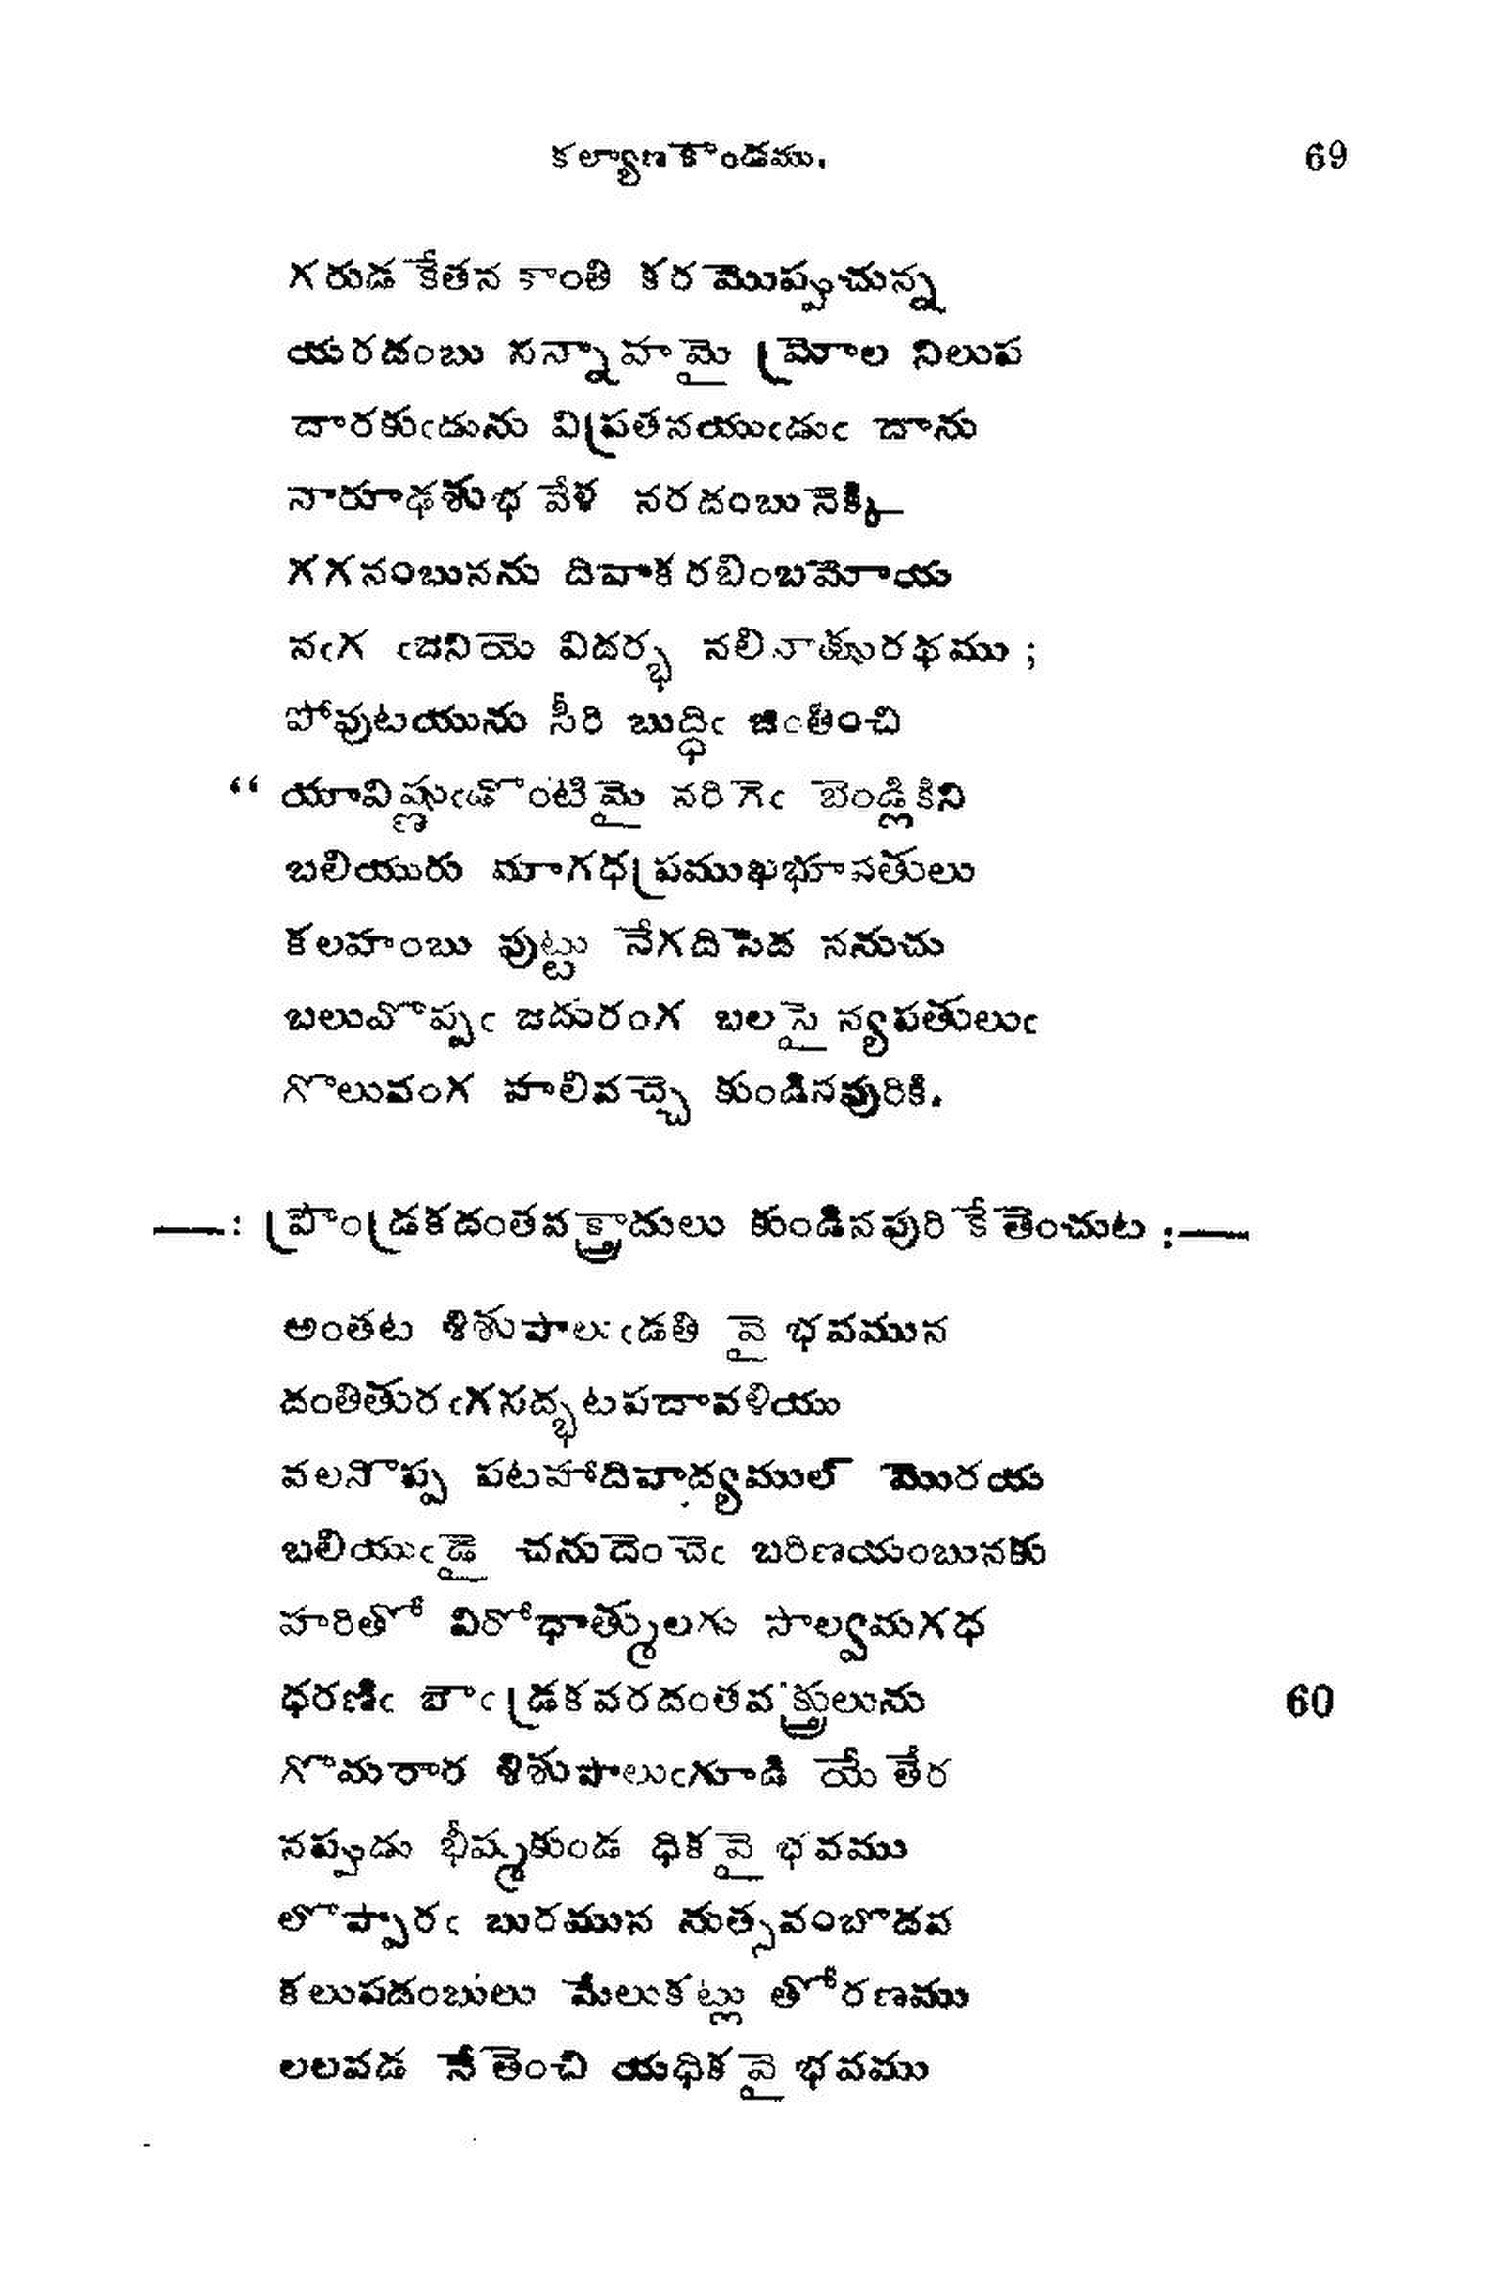గరుడకేతన కాంతి కరమొప్పుచున్న
యరదంబు సన్నాహమై మ్రోల నిలుప
దారకుఁడును విప్రతనయుఁడుఁ దాను
నారూఢశుభవేళ నరదంబు నెక్కి
గగనంబునను దివాకరబింబమోయ
నఁగఁ జనియె విదర్భ నలినాక్షురథము;
పోవుటయును సీరి జింతించి
“యావిష్ణుఁ డొంటిమై నరిగెఁ బెండ్లికిని
బలియురు మాగధప్రముఖభూపతులు
కలహంబు పుట్టునే గదిసెద” ననుచు
బలువొప్పఁ జదురంగబల సైన్యపతులుఁ
గొలువంగ హలివచ్చె కుండినపురికి.

అంతట శిశుపాలుఁ డతివైభవమున
దంతితురఁగసద్భటపదావళియు
వలనొప్ప పటహాదివాద్యముల్ మొరయ
బలియుఁడై చనుదెంచెఁ బరిణయంబునకు
హరితో విరోధాత్ములగు సాల్వమగధ
ధరణిఁ బౌండ్రకవరదంతవక్త్రులును
గొమరార శిశుపాలుఁ గూడి యేతేర
నప్పుడు భీష్మకుం డధికవైభవము
లొప్పారఁ బురమున నుత్సవం బొదవ
కలుపదంబులు మేలుకట్లు తోరణము
లలవడ నేతెంచి యధికవైభవము